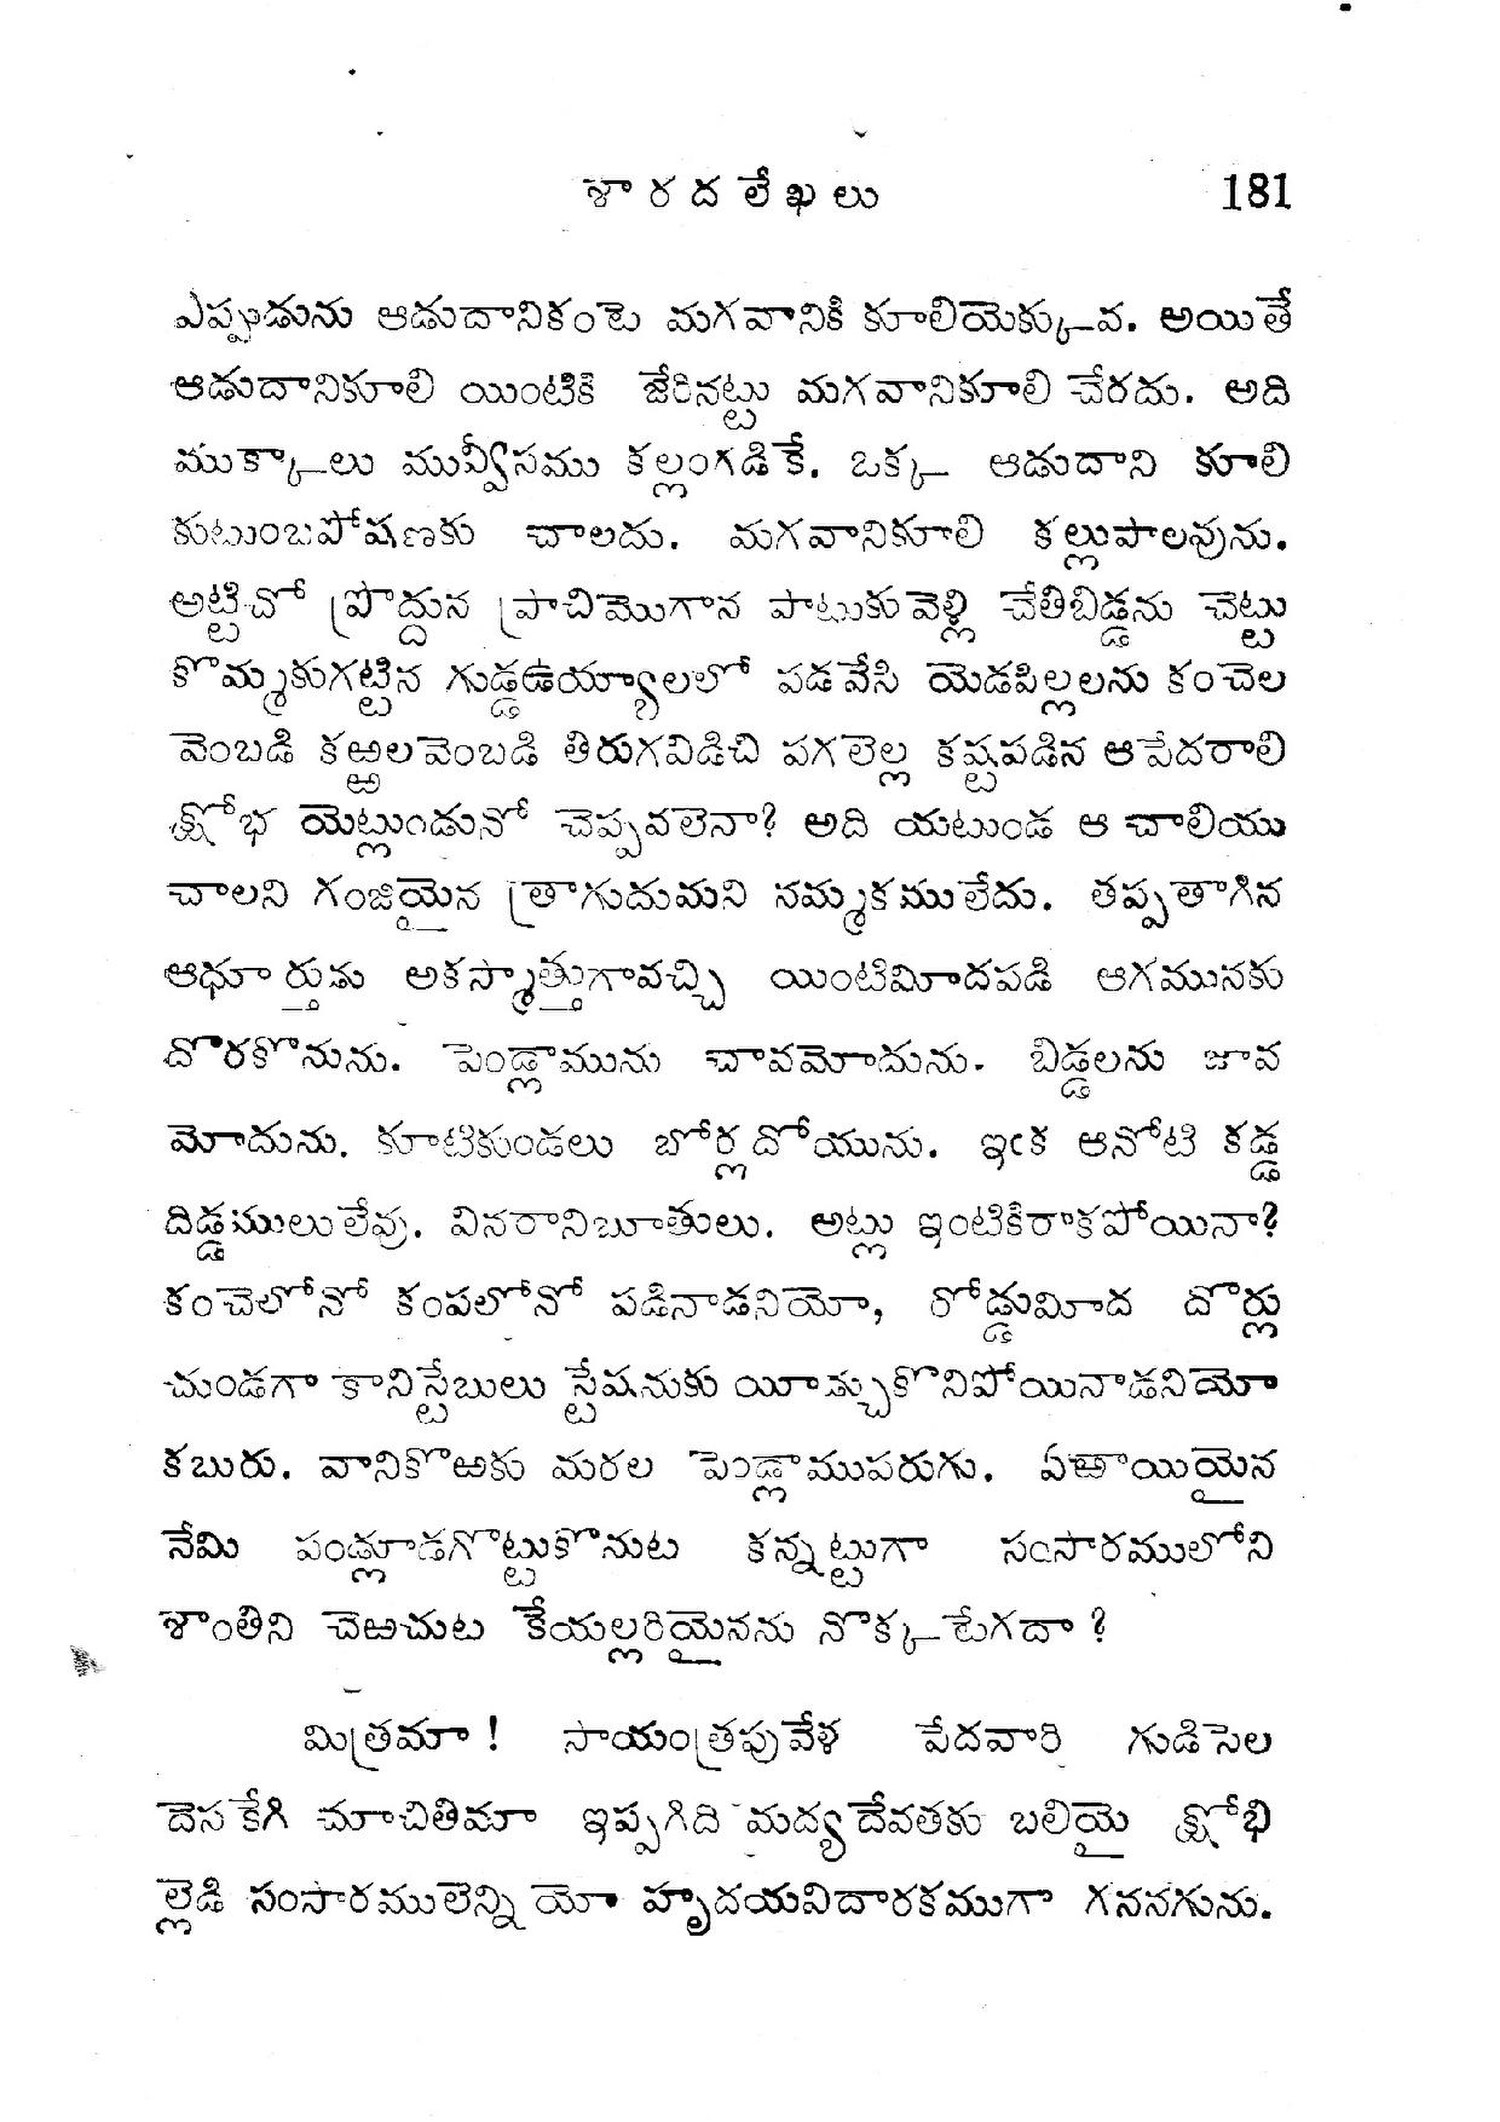ఎప్పుడును ఆడుదానికంటె మగవానికి కూలియెక్కువ. అయితే ఆడుదానికూలి యింటికి జేరినట్టు మగవానికూలి చేరదు. అది ముక్కాలు మువ్వీసము కల్లంగడికే. ఒక్క ఆడుదాని కూలి కుటుంబపోషణకు చాలదు. మగవానికూలి కల్లుపాలవును. అట్టిచో ప్రొద్దున ప్రాచిమొగాన పాటుకువెళ్లి చేతిబిడ్డను చెట్టు
కొమ్మకుగట్టిన గుడ్డఉయ్యాలలో పడవేసి యెడపిల్లలను కంచెల వెంబడి కఱ్ఱలవెంబడి తిరుగవిడిచి పగలెల్ల కష్టపడిన ఆపేదరాలి క్షోభ యెట్లుండునో చెప్పవలెనా? అది యటుండ ఆ చాలియు చాలని గంజియైన త్రాగుదుమని నమ్మకములేదు. తప్పతాగిన ఆధూర్తుడు అకస్మాత్తుగావచ్చి యింటిమీదపడి ఆగమునకు
దొరకొనును. పెండ్లామును చావమోదును. బిడ్డలను జావమోదును. కూటికుండలు బోర్లదోయును. ఇఁక ఆనోటి కడ్డదిడ్డములు లేవు. వినరానిబూతులు. అట్లు ఇంటికిరాకపోయినా? కంచెలోనో కంపలోనో పడినాడనియో, రోడ్డుమీద దొర్లుచుండగా కానిస్టేబులు స్టేషనుకు యీడ్చుకొనిపోయినాడనియో కబురు. వానికొఱకు మరల పెండ్లాముపరుగు. ఏఱాయియైన నేమి పండ్లూడగొట్టుకొనుట కన్నట్టుగా సంసారములోని
శాంతిని చెఱచుట కేయల్లరియైనను నొక్కటేగదా ?

మిత్రమా! సాయంత్రపువేళ పేదవారి గిడిసెల దెసకేగి చూచితిమా ఇప్పగిది మద్యదేవతకు బలియై క్షోభిల్లెడి సంసారములెన్నియో హృదయవిదారకముగా గననగును.